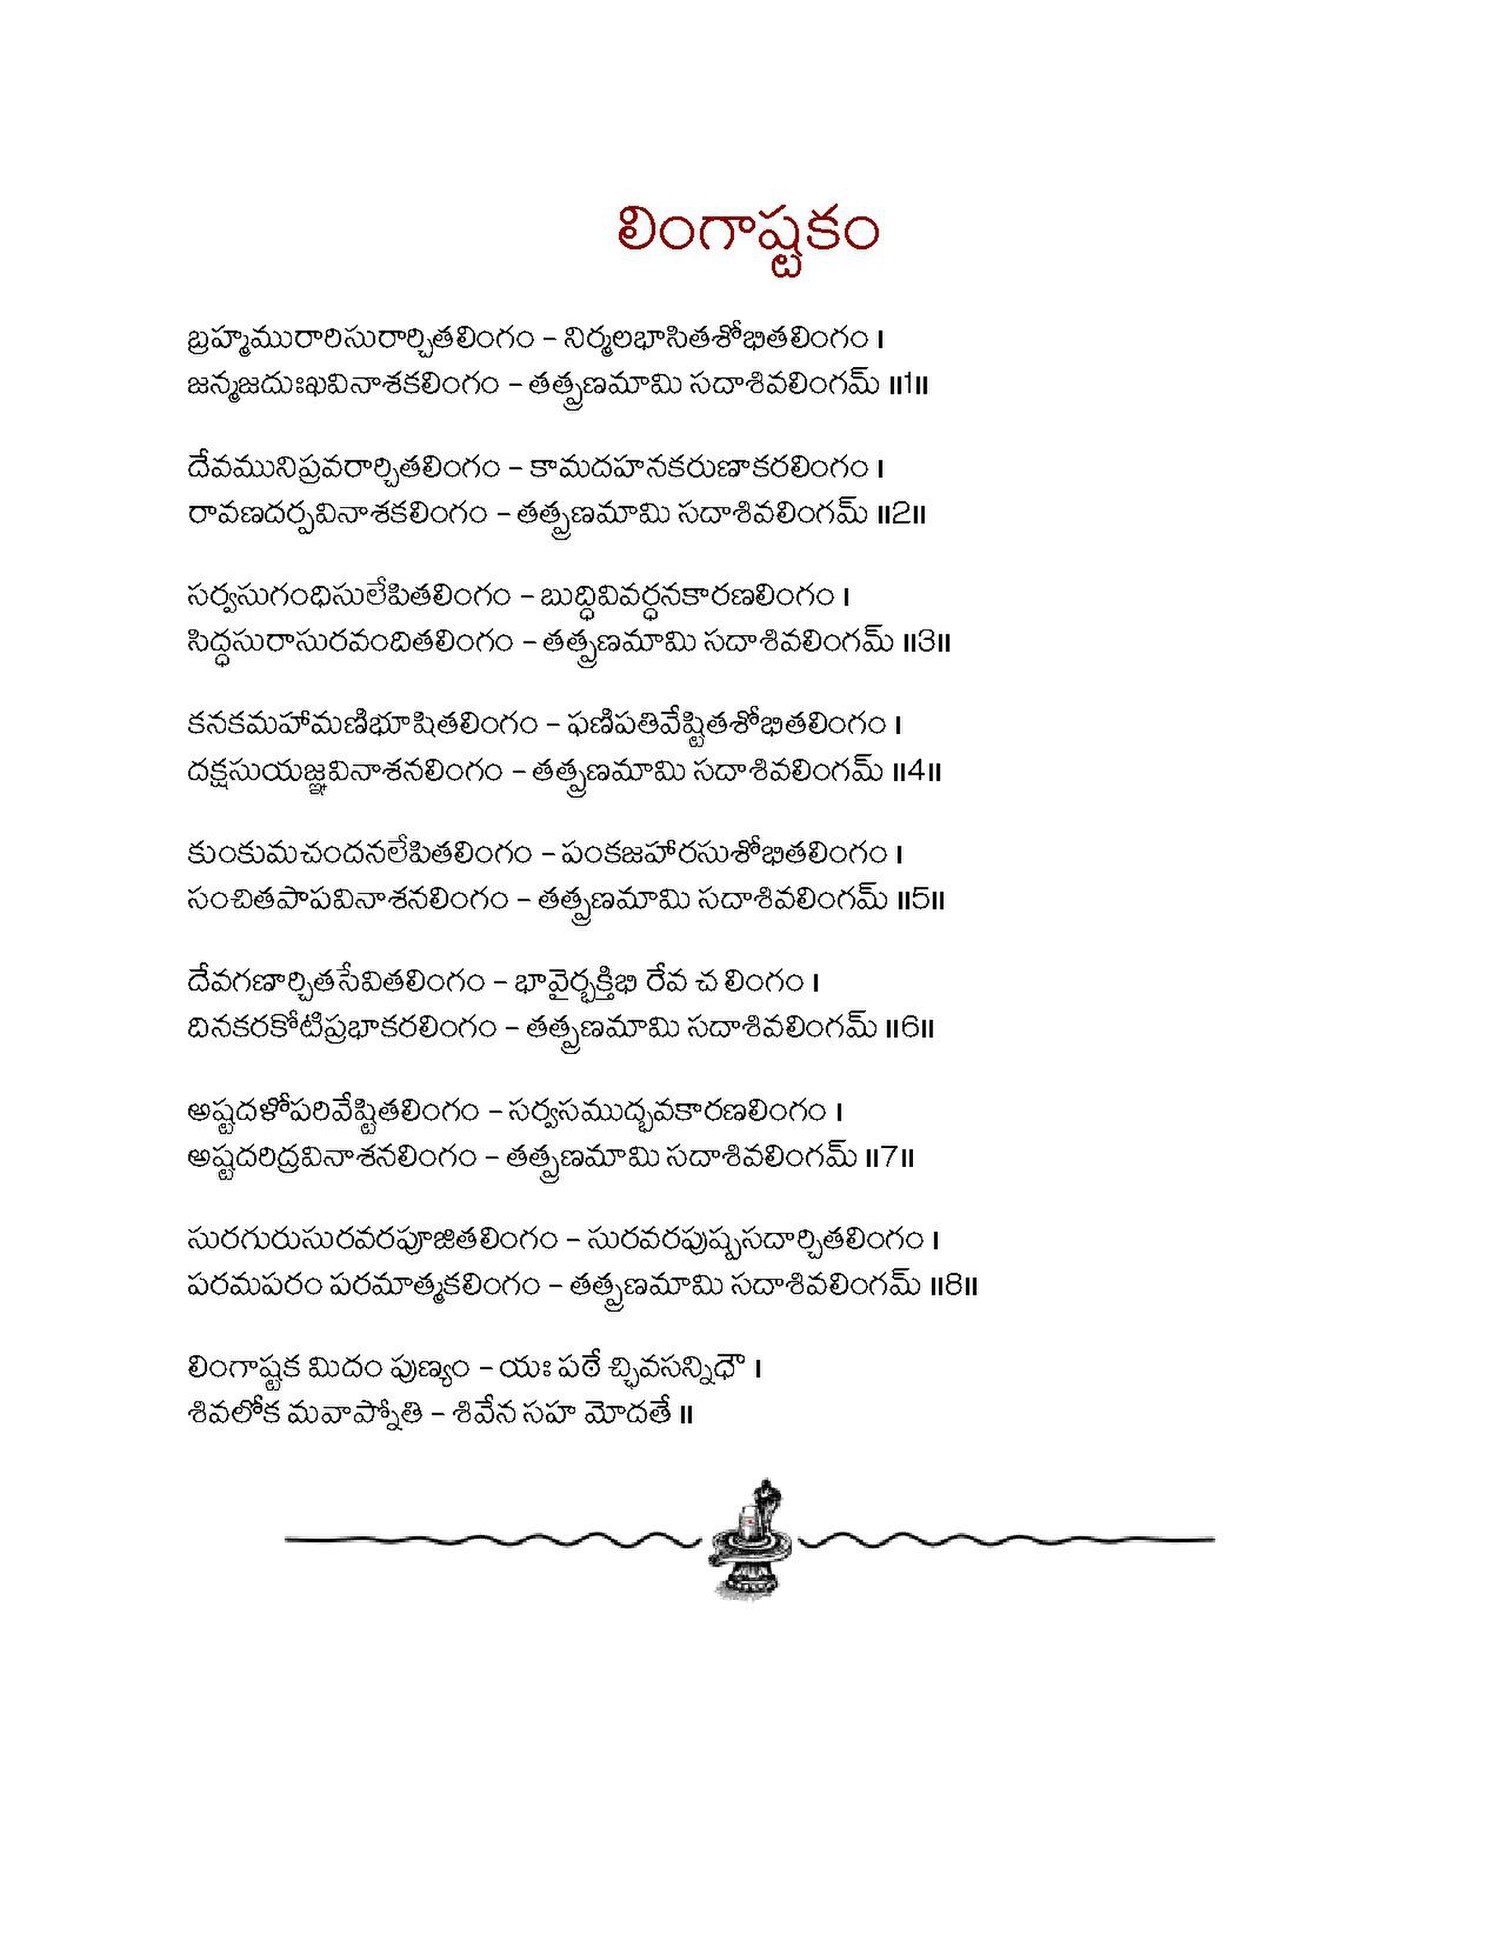లింగాష్టకం

బ్రహ్మమురారిసురార్చితలింగం - నిర్మలభాసితశోభితలింగం |
జన్మజదుఃఖవినాశకలింగం -- తత్ప్రణమామి సదాశివలింగమ్ || 1 ||

దేవమునిప్రవరార్చితలింగం - కామదహనకరుణాకరలింగం |
రావణదర్పవినాశకలింగం - తత్ప్రణమామి సదాశివలింగమ్ ||2||

సర్వసుగంధిసులేపితలింగం - బుద్ధివివర్ధనకారణలింగం |
సిద్ధసురాసురవందితలింగం - తత్ప్రణమామి సదాశివలింగమ్ ||3||

కనకమహామణి భూషితలింగం - ఫణిపతివేష్టితశోభితలింగం |
దక్షసుయజ్ఞవినాశనలింగం - తత్ప్రణమామి సదాశివలింగమ్ ||4||

కుంకుమచందనలేపితలింగం - పంకజహారసుశోభితలింగం |
సంచితపాపవినాశనలింగం -- తత్ప్రణమామి సదాశివలింగమ్ ||5||

దేవగణార్చితసేవితలింగం - భావైర్భక్తిభి రేవ చ లింగం |
దినకరకోటి ప్రభాకరలింగం - తత్ప్రణమామి సదాశివలింగమ్ || 6 ||

అష్టదళోపరివేష్టితలింగం - సర్వసముద్భవకారణలింగం |
అష్టదరిద్రవినాశనలింగం - తత్ప్రణమామి సదాశివలింగమ్ || 7 ||

సురగురుసురవరపూజితలింగం - సురవరపుష్పసదార్చితలింగం |
పరమపరం పరమాత్మకలింగం - తత్ప్రణమామి సదాశివలింగమ్ ||8||

లింగాష్టక మిదం పుణ్యం - యః పఠే చ్ఛివసన్నిధౌ |
శివలోక మవాప్నోతి - శివేన సహ మోదతే ||